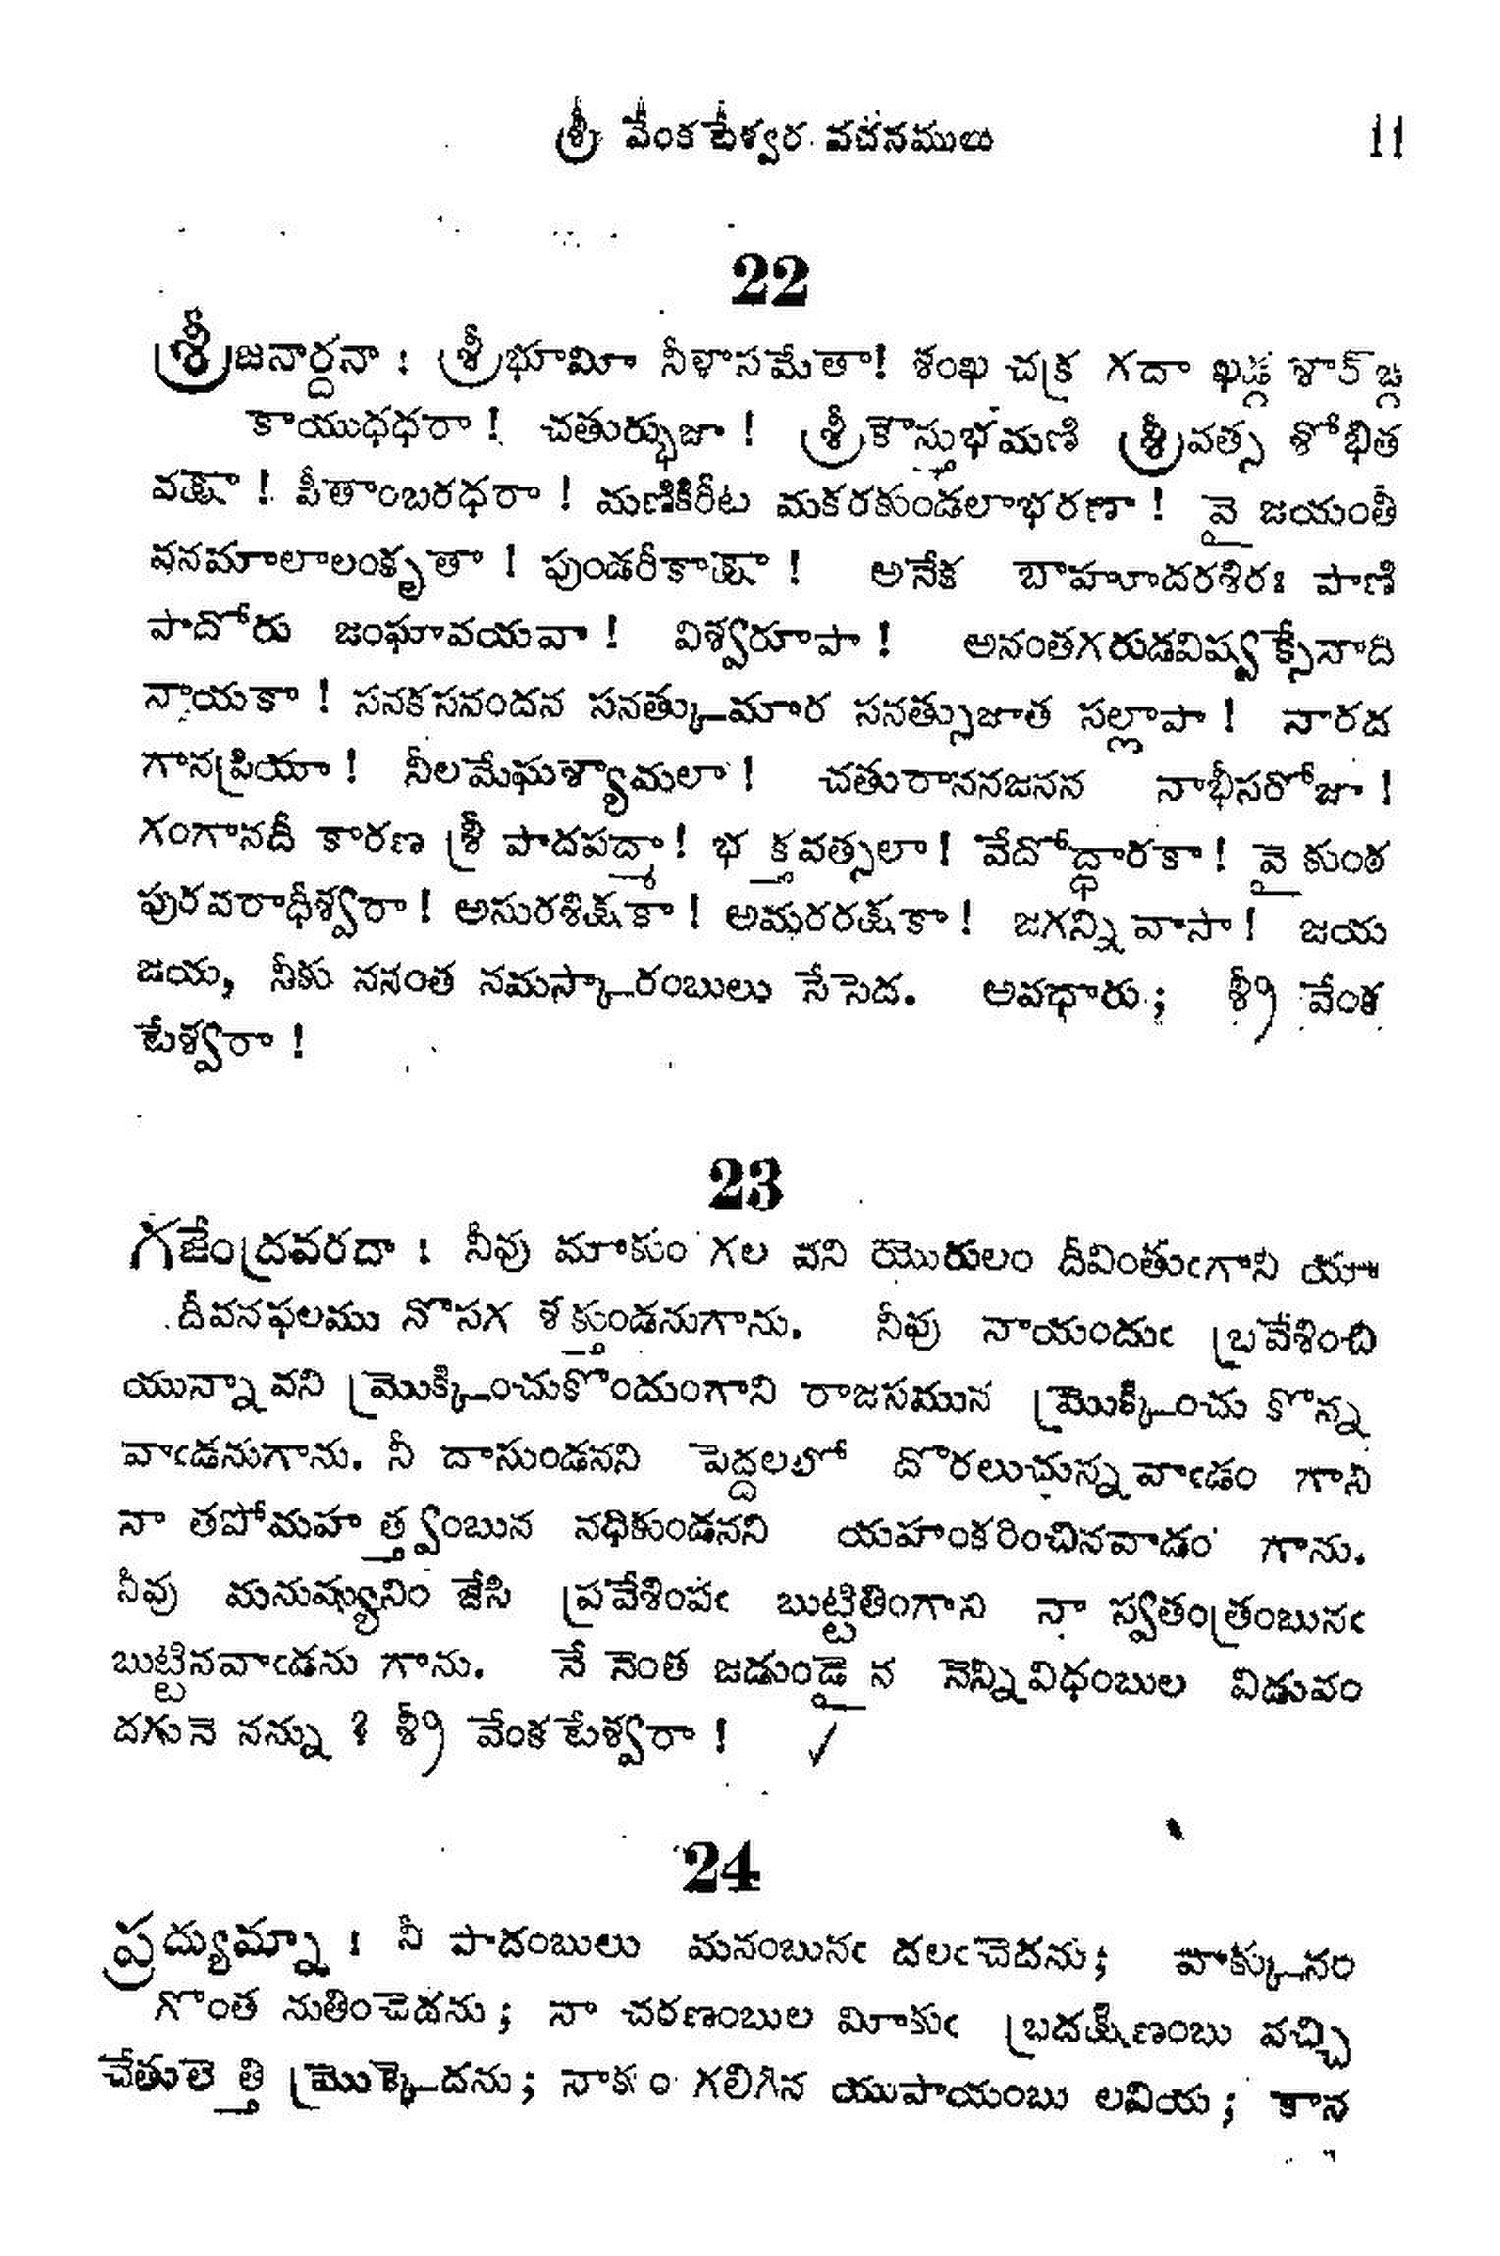22 

జనార్దనా! శ్రీభూమీ నీళాసమేతా! శంఖ చక్ర గదా ఖడ్గ శార్ ఙ్గకాయుధధరా! చతుర్భుజా! శ్రీకౌస్తుభమణి శ్రీవత్స శోభిత వక్షా! పీతాంబరధరా! మణికిరీట మకరకుండలాభరణా! వైజయంతీ వనమాలాలంకృతా! పుండరీకాక్షా! అనేక బాహూదరశిరః పాణి పాదోరు జంఘావయవా! విశ్వరూపా! అనంతగరుడవిష్వక్సేనాది నాయకా! సనకసనందన సనత్కుమార సనత్సుజాత సల్లాపా! నారదగానప్రియా! నీలమేఘశ్యామలా! చతురాననజనన నాభీసరోజా! గంగానదీ కారణ శ్రీ పాదపద్మా! భక్తవత్సలా! వేదోద్ధారకా! వైకుంఠపురవరాధీశ్వరా! అసురశిక్షకా! అమరరక్షకా! జగన్నివాసా! జయ జయ, నీకు ననంత నమస్కారంబులు సేసెద. అవధారు; శీృ వేంకటేశ్వరా!

23 

జేంద్రవరదా! నీవు మాకుం గల వని యొరులం దీవింతుఁగాని యా దీవనఫలము నొసగ శక్తుండనుగాను. నీవు నాయందుఁ బ్రవేశించి యున్నావని మ్రొక్కించుకొందుంగాని రాజసమున మ్రొక్కించు కొన్నవాఁడనుగాను. నీ దాసుండనని పెద్దలలో దొరలుచున్నవాఁడం గానీ నా తపోమహత్త్వంబున నధికుండనని యహంకరించినవాడం గాను. నీవు మనుష్యునిం జేసి ప్రవేశింపఁ బుట్టితింగాని నా స్వతంత్రంబునం బుట్టినవాఁడను గాను. నే నెంత జడుండైన నెన్నివిధంబుల విడువందగునె నన్ను? శీృ వేంకటేశ్వరా! 

24 

! నీ పాదంబులు మనంబునఁ దలఁచెదను; వాక్కునం గొంత నుతించెదను; నా చరణంబుల మీకుఁ బ్రదక్షిణంబు వచ్చి చేతులెత్తి మ్రొక్కెదను; నాకుం గలిగిన యుపాయంబు లవియ; కాన